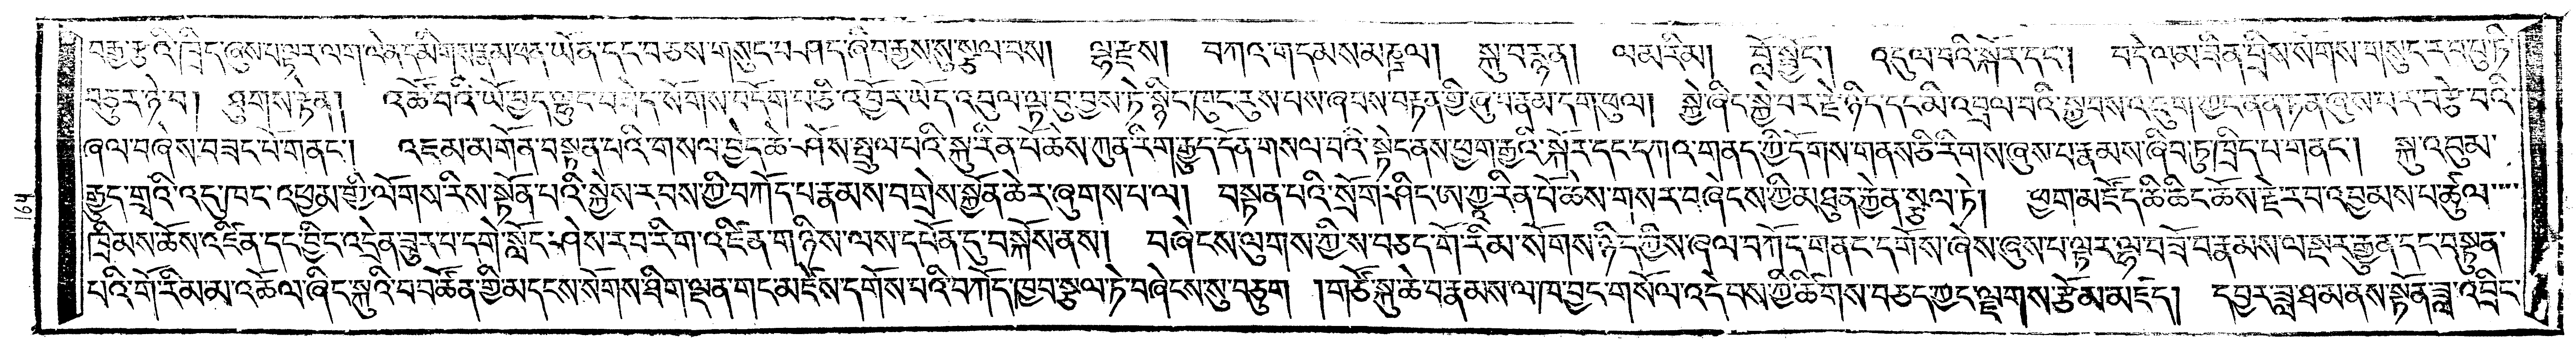བརྒྱ་རྩའི་ཁྲིད་ཞུས་བལྟར་ལག་ལེན་དམིགས་རྣམ་ཕན་ཡོན་དང་བཅས་གསུང་བཤད་ཞིབ་རྒྱས་སུ་སྩལ་བས། ལྷ་རྫས། བཀའ་གདམས་མཎྜལ། སྐུ་བརྙན། ལམ་རིམ། བློ་སྦྱོང་། འདུལ་བའི་སྐོར་དང་། བདེ་ལམ་ཟིན་བྲིས་སོགས་གསུང་རབ་པུ་ཏི་
བཅུར་ཉེ་བ། ཐུགས་རྟེན། འཚོ་བའི་ཡོ་བྱད་ལྷུང་བཟེད་སོགས་བདོག་པ་ཅི་འབྱོར་ཡོད་འབུལ་ལྟ་བུ་བྱས་ཏེ་སྙིང་ཁུང་རུས་པས་ཞབས་བརྟན་གྱི་ཞུ་བ་རྣམ་དག་ཕུལ། སྐྱེ་ཞིང་སྐྱེ་བར་རྗེ་ཉིད་དང་མི་འབྲལ་བའི་སྐྱབས་འཇུག་ཀྱང་ནན་ཏན་ཞུས་པར་བརྩེ་བའི་
ཞལ་བཞེས་བཟང་པོ་གནང་། འཇམ་མགོན་བསྟན་པའི་གསལ་བྱེད་ཆེ་ཤོས་སྤྲུལ་པའི་སྐུ་རིན་པོ་ཆེས་ཀུན་རིག་རྒྱུད་དོན་གསལ་པའི་སྟེང་ནས་ཕྱག་རྒྱའི་སྐོར་དང་དཀའ་གནད་ཀྱི་དོགས་གནས་ཅི་རིགས་ཞུས་པ་རྣམས་ཞིབ་ཏུ་ཁྲིད་པ་གནང་། སྐུ་འབུམ་
རྒྱུད་གྲྭའི་འདུ་ཁང་འཕྱམ་གྱི་ལོགས་རིས་སྟོན་པའི་སྐྱེས་རབས་ཀྱི་བཀོད་པ་རྣམས་བགྲེས་སྐྱོན་ཆེར་ཞུགས་པ་ལ། བསྟན་པའི་སྲོག་ཤིང་ཨ་ཀྱའ་རིན་པོ་ཆེས་གསར་བཞེངས་ཀྱི་མཐུན་རྐྱེན་སྩལ་ཏེ། ཕྱག་མཛོད་ཆི་ཆིང་ཆོས་རྗེར་བ་འབྱམས་པ་ཚུལ་
ཁྲིམས་ཆོས་འཛིན་དང་བྱིང་འདྲེན་ཟུར་བ་དགེ་སློང་ཤེས་རབ་རིག་འཛིན་གཉིས་ལས་དཔོན་དུ་བསྐོས་ནས། བཞེངས་ལུགས་ཀྱི་ས་བཅད་གོ་རིམ་སོགས་ཉིད་ཀྱིས་ཞལ་བཀོད་གནང་དགོས་ཞེས་ཞུས་པ་ལྟར་ལྷ་བཟོ་བ་རྣམས་ལ་སྔར་རྒྱུན་དང་བསྟུན་
པའི་གོ་རིམ་མ་འཆོལ་ཞིང་སྐུའི་བབ་ཚོན་གྱི་མདངས་སོགས་ཐིག་ལྡན་གང་མཛོས་དགོས་པའི་བཀོད་ཁྱབ་སྩལ་ཏེ་བཞེངས་སུ་བཅུག །གཙོ་སྐུ་ཆེ་བ་རྣམས་ལ་ཁ་བྱང་གསོལ་འདེབས་ཀྱི་ཚིགས་བཅད་ཀྱང་ལྗགས་རྩོམ་མཛད། དབྱར་ཟླ་ཐ་མ་ནས་སྟོན་ཟླ་འབྲིང་